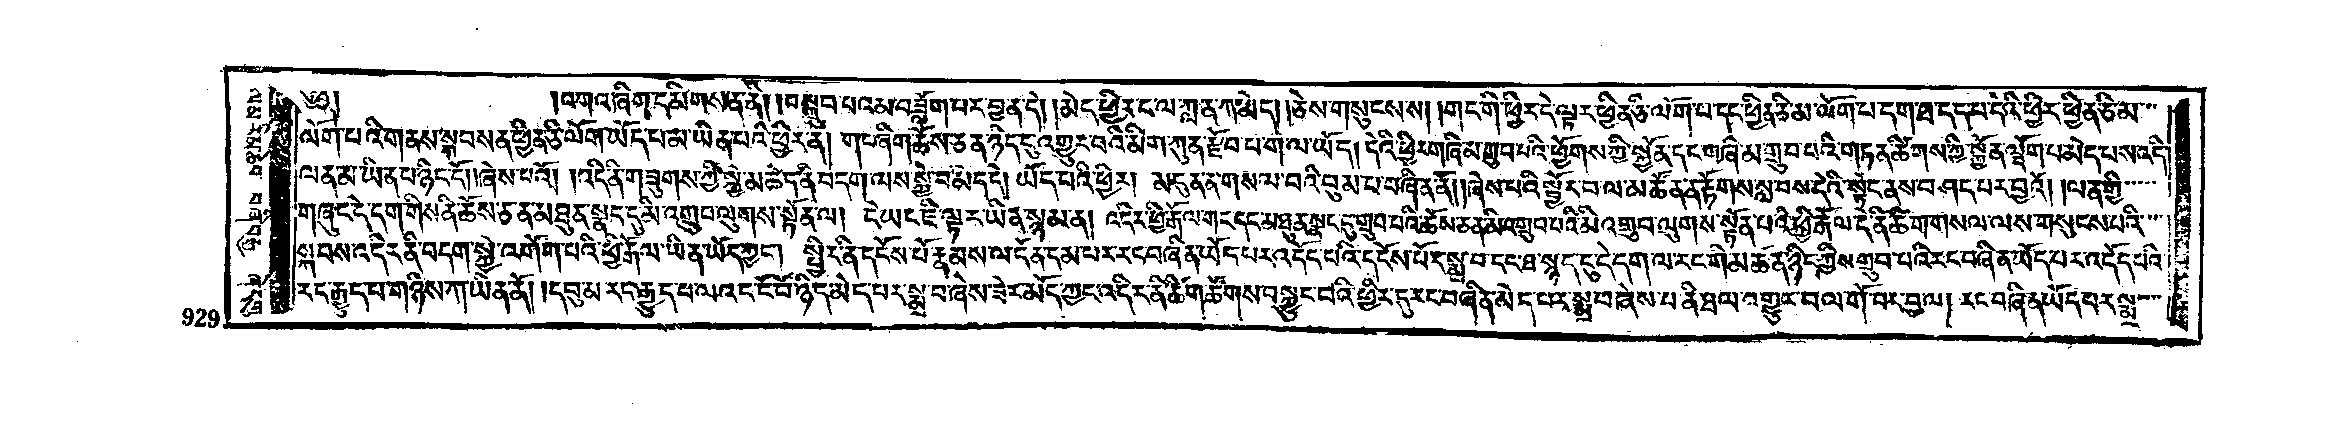༄༅། །འགའ་ཞིག་དམིགས་ན་ནི། །བསྒྲུབ་པའམ་བཟློག་པར་བྱ་ན་དེ། །མེད་ཕྱིར་ང་ལ་ཀླན་ཀ་མེད། །ཅེས་གསུངས་སོ། །གང་གི་ཕྱིར་དེ་ལྟར་ཕྱིན་ཅི་ལོག་པ་དང་ཕྱིན་ཅི་མ་ལོག་པ་དག་ཐ་དད་པ་དེའི་ཕྱིར་ཕྱིན་ཅི་མ་
ལོག་པའི་གནས་སྐབས་ན་ཕྱིན་ཅི་ལོག་ཡོད་པ་མ་ཡིན་པའི་ཕྱིར་ན། གང་ཞིག་ཆོས་ཅན་ཉིད་དུ་འགྱུར་བའི་མིག་ཀུན་རྫོབ་པ་ག་ལ་ཡོད། དེའི་ཕྱིར་གཞི་མ་གྲུབ་པའི་ཕྱོགས་ཀྱི་སྐྱོན་དང་གཞི་མ་གྲུབ་པའི་གཏན་ཚིགས་ཀྱི་སྐྱོན་ལྡོག་པ་མེད་པས་འདི་
ལན་མ་ཡིན་པ་ཉིད་དོ། །ཞེས་པའོ། །འདི་ནི་གཟུགས་ཀྱི་སྐྱེ་མཆེད་ནི་བདག་ལས་སྐྱེ་བ་མེད་དེ། ཡོད་པའི་ཕྱིར། མདུན་ན་གསལ་བའི་བུམ་པ་བཞིན་ནོ། །ཞེས་པའི་སྦྱོར་བ་ལ་མཚོན་ན་རྟོགས་སླ་བས་དེའི་སྟེང་ནས་བཤད་པར་བྱའོ། །ལན་གྱི་
གཞུང་དེ་དག་གིས་ནི་ཆོས་ཅན་མཐུན་སྣང་དུ་མི་འགྲུབ་ལུགས་སྟོན་ལ། དེ་ཡང་ཇི་ལྟར་ཡིན་སྙམ་ན། འདིར་ཕྱི་རྒོལ་གང་དང་མཐུན་སྣང་དུ་གྲུབ་པའི་ཆོས་ཅན་མི་འགྲུབ་པའི་མི་འགྲུབ་ལུགས་སྟོན་པའི་ཕྱི་རྒོལ་དེ་ནི་ཚིག་གསལ་ལས་གསུངས་པའི་
སྐབས་འདིར་ནི་བདག་སྐྱེ་འགོག་པའི་ཕྱི་རྒོལ་ཡིན་ཡོད་ཀྱང་། སྤྱིར་ནི་དངོས་པོ་རྣམས་ལ་དོན་དམ་པར་རང་བཞིན་ཡོད་པར་འདོད་པའི་དངོས་པོར་སྨྲ་བ་དང་ཐ་སྙད་དུ་དེ་དག་ལ་རང་གི་མཚན་ཉིད་ཀྱིས་གྲུབ་པའི་རང་བཞིན་ཡོད་པར་འདོད་པའི་
རང་རྒྱུད་པ་གཉིས་ཀ་ཡིན་ནོ། །དབུ་མ་རང་རྒྱུད་པ་ལའང་ངོ་བོ་ཉིད་མེད་པར་སྨྲ་བ་ཞེས་ཟེར་མོད་ཀྱང་འདིར་ནི་ཚིག་ཚོགས་བསྐྱུང་བའི་ཕྱིར་དུ་རང་བཞིན་མེད་པར་སྨྲ་བ་ཞེས་པ་ནི་ཐལ་འགྱུར་བ་ལ་གོ་བར་བྱ་ལ། རང་བཞིན་ཡོད་པར་སྨྲ་